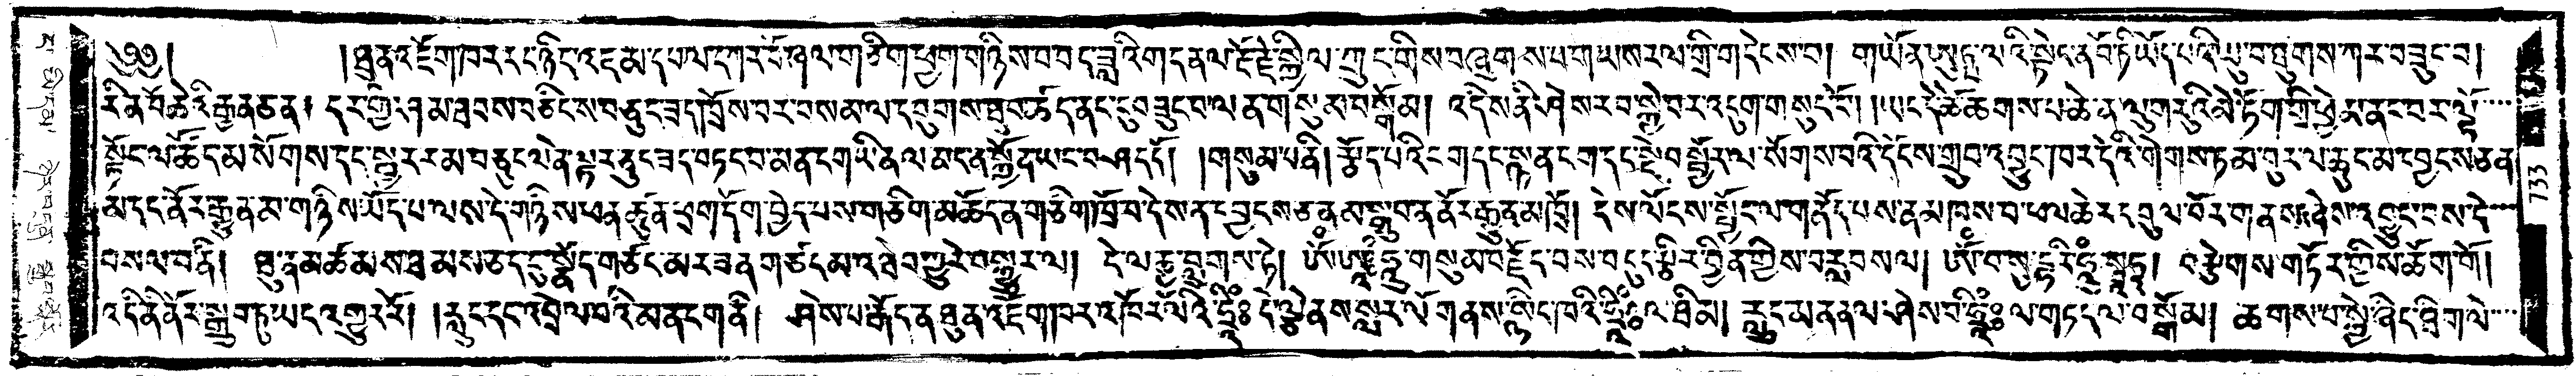༄༅། །ཐུན་འཇོག་ཁར་རང་ཉིད་འཇམ་དཔལ་དཀར་པོ་ཞལ་གཅིག་ཕྱག་གཉིས་བ་བད་ཟླའི་གདན་ལ་རྡོ་རྗེ་སྐྱིལ་ཀྲུང་གིས་བཞུགས་པ་གཡས་རལ་གྲི་གདེངས་པ། གཡོན་ཨུཏྤ་ལའི་སྟེང་ན་བོ་ཏི་ཡོད་པའི་ཡུ་བ་ཐུགས་ཀར་བཟུང་པ།
རིན་པོ་ཆེའི་རྒྱན་ཅན། དར་གྱི་ཤམ་ཐབས་བཅིངས་བཅུང་ཟད་ཁྲོས་བར་བསམ་ལ་དབུགས་ཐུབ་ཚད་ནང་དུ་བཟུང་བ་ལན་གསུམ་བསྒོམ། འདིས་ནི་ཤེས་རབ་སྐྱེ་བར་འདུག་གསུང་?སོ། །ཡང་དེ་ཚེ་ཆགས་པ་ཆེན་ལུག་རུའི་མེ་ཏོག་གྱི་ཕྱེ་མ་ནང་བར་ལྟོ་
སྟོང་ལ་ཚོད་མ་སོགས་དང་སྦྱར་རམ་བཅུང་ལེན་ལྟར་ཅུང་ཟད་བཏང་བ་མན་ངག་ཡིན་ལ་མངན་སྐྱོན་ཡང་བཤད་དོ། །གསུམ་པ་ནི། རྩོད་པའི་ངག་དང་སྙན་ངག་དང་སྡེབ་སྦྱོར་ལ་སོགས་པའི་དངོས་གྲུབ་འབྱུང་ཁར་དེའི་གེགས་ཏ་མ་བུར་ལ་ཆུང་མ་དབྱངས་ཅན་
མ་དད་ནོར་རྒྱུན་མ་གཉིས་ཡོད་པ་ལས་དེ་གཉིས་ཕན་ཚུན་ཕྲག་དོག་བྱེད་པས་གཅིག་མཆོད་ན་གཅིག་ཁྲོ་བ་དེས་ན་དབྱངས་ཅན་མ་སྒྲུབ་ན་ནོར་རྒྱུན་མཁྲོ། དེས་ལོངས་སྤྱོད?་ལ་གནོད་པས་ནམ་ཁས་པ་ཕལ་ཆེར་དབུ་ལ་བོར་གནས་ཞེས་འབྱུང་བས་དེ་
བསལ་བ་ནི། ཐུ་ན་མཚམས་ཐམས་ཅད་དུ་སྣོད་གཙང་མར་ཟན་གཙང་མ་འཐེབ་གྱུར་བསྐྱུར་ལ། དེ་ལ་རྒྱ་བླུགས་ཏེ། ཨོཾ་ཨཱཿ ཧཱུ་གསུམ་བརྗོད་བས་བདུད་རྩིར་བྱིན་གྱིས་བརླབས་ལ། ཨོཾ་བ་སུ་དྷ་རི་ཧཱུཾ་སྭཱཧཱ། བརྩེགས་གཏོར་གྱིས་ཆོག་གོ།
འདི་ནི་ནོར་སྒྲུབ་ཏུ་ཡང་འགྱུར་རོ། །རླུང་དང་འབྲེལ་བའི་མན་ངག་ནི། ཤེས་པ་རྒོད་ན་ཐུན་འཇོག་ཁར་འཁོར་ལོའི་ཧྲཱིཾཿ དེ་ལྕེ་ནས་སླར་ལོ་གནས་སྙིང་ཁའི་ཧྲཱིཾཿ ལ་ཐིམ། རླུང་མན་ནལ་ཤེས་བ་ཧྲཱིཾཿ ལ་གཏད་ལ་བསྒོམ། ཆགས་པ་སྐྱེ་ཞིང་ཐིག་ལེ་